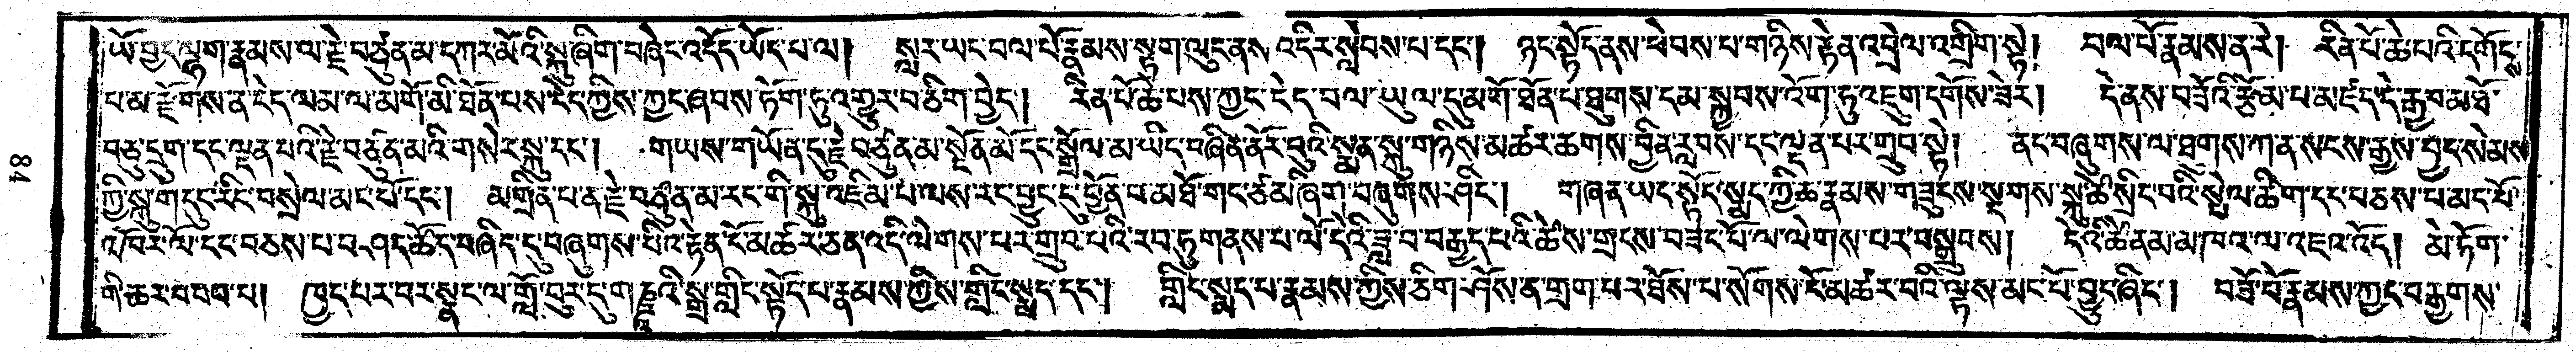ཡོ་བྱང་ལྷག་རྣམས་ལ་རྗེ་བཙུན་མ་དཀར་མོའི་སྐུ་ཞིག་བཞེང་འདོད་ཡོད་པ་ལ། སླར་ཡང་བལ་པོ་རྣམས་སྟག་ལུང་ནས་འདིར་སླེབས་པ་དང་། ཉང་སྟོད་ནས་ཕེབས་པ་གཉིས་རྟེན་འབྲེལ་འགྲིག་སྟེ། བལ་པོ་རྣམས་ན་རེ། རིན་པོ་ཆེ་པའི་དགོངས་
པ་མ་རྫོགས་ན་ངེད་ལམ་ལ་མགོ་མི་ཐོན་པས་ངེད་ཀྱིས་ཀྱང་ཞབས་ཏོག་ཏུ་འགྱུར་བ་ཅིག་བྱེད། རིན་པོ་ཆེ་པས་ཀྱང་ངེད་བ་ལ་ཡུལ་དུ་མགོ་ཐོན་པ་ཐུགས་དམ་སྐྱབས་འོག་ཏུ་འཇུག་དགོས་ཟེར། དེ་ནས་བཟོའི་རྩོམ་པ་མཛད་དེ་རྒྱབ་མཐོ་
བཅུ་དྲུག་དང་ལྡན་པའི་རྗེ་བཙུན་མའི་གསེར་སྐུ་དང་། གཡས་གཡོན་དུ་རྗེ་བཙུན་མ་སྔོན་མོ་དང་སྒྲོལ་མ་ཡིད་བཞིན་ནོར་བུའི་སྨན་སྐུ་གཉིས་མཚར་ཆགས་བྱིན་རླབས་དང་ལྡན་པར་གྲུབ་སྟེ། ནང་བཞུགས་ལ་ཐུགས་ཀ་ན་སངས་རྒྱས་བྱང་སེམས་
ཀྱི་སྐུ་གདུང་རིང་བསྲེལ་མང་པོ་དང་། མགྲིན་པ་ན་རྗེ་བཙུན་མ་རང་གི་སྐུ་འཇིམ་པ་ལས་རང་བྱུང་དུ་བྱོན་པ་མཐོ་གང་ཙམ་ཞིག་བཞུགས་ཤིང་། གཞན་ཡང་སྟོད་སྨད་ཀྱི་ཆ་རྣམས་གཟུངས་སྔགས་སྐུ་ཚེ་སྲིང་བའི་སྤེལ་ཚིག་དང་བཅས་པ་མང་པོ་
འཁོར་ལོ་དང་བཅས་པ་བཤད་ཚོད་བཞིད་དུ་བཞུགས་པའི་རྟེན་ངོ་མཚར་ཅན་འདི་ལེགས་པར་གྲུབ་པའི་རབ་ཏུ་གནས་པ་ལོ་དེའི་ཟླ་བ་བརྒྱད་པའི་ཚེས་གྲངས་བཟང་པོ་ལ་ལེགས་པར་བསྒྲུབས། དེའི་ཚེ་ནམ་མཁའ་ལ་འཇའ་འོད། མེ་ཏོག་
གི་ཆར་བབས་པ། ཁྱད་པར་བར་སྣང་ལ་གློ་བུར་དུ་གཎྜཱའི་སྒྲ་གླིང་སྟོད་པ་རྣམས་ཀྱིས་གླིང་སྨད་དང་། གླིང་སྨད་པ་རྣམས་ཀྱིས་ཅིག་ཤོས་ན་གྲག་པར་ཐོས་པ་སོགས་ངོ་མཚར་བའི་ལྟས་མང་པོ་བྱུང་ཞིང་། བཟོ་བོ་རྣམས་ཀྱང་བརྒྱགས་